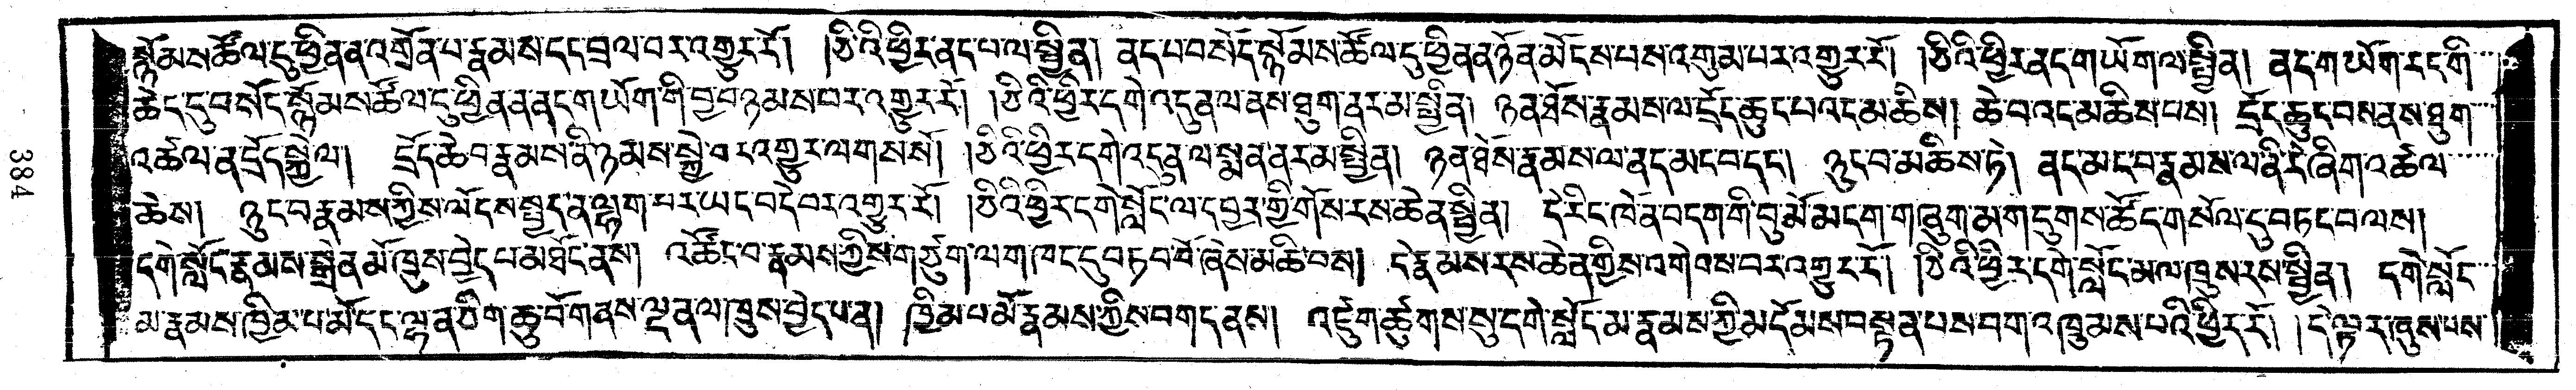སྙོམས་ཚོལ་དུ་ཕྱིན་ན་འགྲོན་པ་རྣམས་དང་བྲལ་བར་འགྱུར་རོ། །ཅིའི་ཕྱིར་ནད་པ་ལ་སྦྱིན། ནད་པ་བསོད་སྙོམས་ཚོལ་དུ་ཕྱིན་ན་ཉོན་མོངས་པས་འགུམ་པར་འགྱུར་རོ། །ཅིའི་ཕྱིར་ནད་གཡོག་ལ་སྤྱིན། ནད་གཡོག་རང་གི་
ཆེད་དུ་བསོད་སྙོམས་ཚོལ་དུ་ཕྱིན་ན་ནང་གཡོག་གི་བྱ་བ་ཉམས་བར་འགྱུར་རོ། །ཅིའི་ཕྱིར་དགེ་འདུན་ལ་ནས་ཐུག་ནར་མ་སྦྱིན། ཉན་ཐོས་རྣམས་ལ་དྲོད་ཆུག་པའང་མ་ཆིས། ཆེ་བ་འང་མཆིས་པས། དྲོང་ཆུང་བས་ནས་ཐུག་
འཚལ་ན་དྲོད་སྐྱེལ། དྲོད་ཆེབ་རྣམས་ནི་ཉམས་སྐྱེ་བར་འགྱུར་ལགས་སོ། །ཅིའི་ཕྱིར་དགེ་འདུན་ལ་སྨན་ནར་མ་སྤྱིན། ཉན་ཐོས་རྣམས་ལ་ནད་མང་བ་དང་། ཉུང་བ་མཆིས་ཏེ། ནད་མང་བ་རྣམས་ལ་ནི་རེ་ཞིག་འཚལ་
ཆེས། ཉུང་བ་རྣམས་ཀྱིས་ལོངས་སྤྱད་ན་ལྷག་པར་ཡང་བདེ་བར་འགྱུར་རོ། །ཅིའི་ཕྱིར་དགེ་སློང་ལ་དབྱར་གྱི་གོས་རས་ཆེན་སྦྱིན། དེ་རིང་ཁོ་ན་བདག་གི་བུ་མོ་མངག་གཞུག་མ་གདུགས་ཚོད་གསོལ་དུ་བཏང་བ་ལས།
དགེ་སློང་རྣམས་སྒྲེན་མོ་ཁྲུས་བྱེད་པ་མཐོང་ནས། འཚོང་བ་རྣམས་ཀྱིས་གཙུག་ལག་ཁང་དུ་བཏབ་བོ་ཞེས་མཆི་བས། དེ་རྣམས་རས་ཆེན་གྱིས་འགེབས་པར་འགྱུར་རོ། །ཅིའི་ཕྱིར་དགེ་སློང་མ་ལ་ཁྲུས་རས་སྦྱིན། དགེ་སློང་
མ་རྣམས་ཁྱིམ་པ་མོ་དང་ལྷན་ཅིག་ཆུ་བོ་གནས་ལྡན་ལ་ཁྲུས་བྱེད་པ་ན། ཁྱིམ་པ་མོ་རྣམས་ཀྱིས་བགད་ནས། འཛུག་ཚུགས་སུ་དགེ་སློང་མ་རྣམས་ཀྱི་མདོམས་བསྟན་པས་བག་འཁྲུམས་པའི་ཕྱིར་རོ། །དེ་ལྟར་ཞུས་པས་